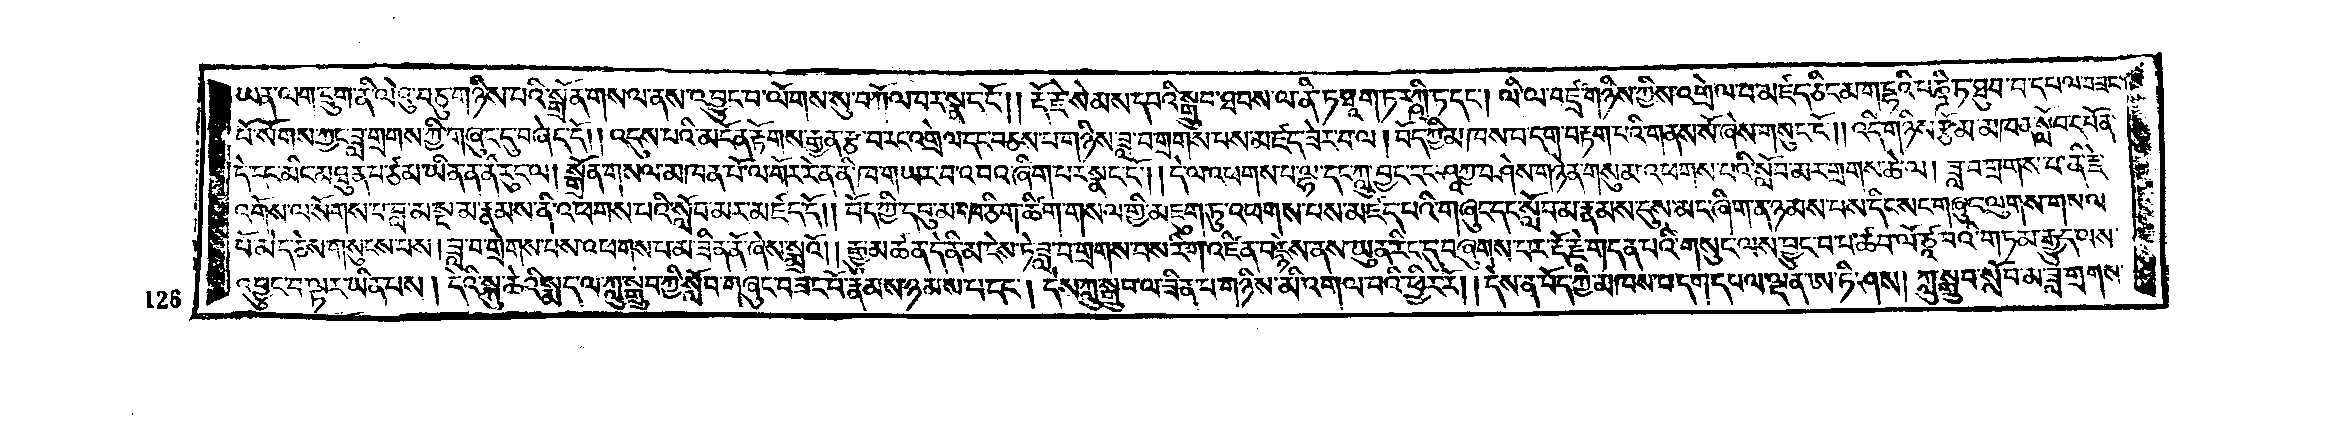ཡན་ལག་དྲུག་ནི་ལེའུ་བཅུ་གཉིས་པའི་སྒྲོན་གསལ་ནས་འབྱུང་བ་ལོགས་སུ་བཀོལ་བར་སྣང་ངོ། །རྡོ་རྗེ་སེམས་དཔའི་སྒྲུབ་ཐབས་ལ་ནི་ཏ་ཐཱ་ག་ཏ་རཀྵི་ཏ་དང་། ལི་ལ་བཛྲ་གཉིས་ཀྱིས་འགྲེལ་པ་མཛད་ཅིང་མ་ག་དྷའི་པཎྜི་ཏ་ཐུབ་པ་དཔལ་བཟང་
པོ་སོགས་ཀྱང་ཟླ་གྲགས་ཀྱི་གཞུང་དུ་བཞེད་དོ། །འདུས་པའི་མངོན་རྟོགས་རྒྱན་རྩ་བ་རང་འགྲེལ་དང་བཅས་པ་གཉིས་ཟླ་བ་གྲགས་པས་མཛད་ཟེར་བ་ལ། བོད་ཀྱི་མཁས་པ་དག་བརྟག་པའི་གནས་སོ་ཞེས་གསུང་ངོ། །འདི་གཉིས་རྩོམ་མཁན་སློབ་དཔོན་
དེ་དང་མིང་མཐུན་པ་ཙམ་ཡིན་ན་ནི་རུང་ལ། སྒྲོན་གསལ་མཁན་པོ་ལ་གོར་རེ་ན་ནི་ཁ་གཡར་བ་འབའ་ཞིག་པར་སྣང་ངོ། །དེ་ལ་འཕགས་པ་ལྷ་དང་ཀླུ་བྱང་དང་ཤཱཀྱ་བཤེས་གཉེན་གསུམ་འཕགས་པའི་སློབ་མར་གྲགས་ཆེ་ལ། ཟླ་བ་གྲགས་པ་ནི་རྗེ་
འགོས་ལ་སོགས་པ་བླ་མ་སྔ་མ་རྣམས་ནི་འཕགས་པའི་སློབ་མར་མཛད་དོ། །བོད་ཀྱི་དབུ་མ་པ་ཁ་ཅིག་ཚིག་གསལ་གྱི་མཇུག་ཏུ་འཕགས་པས་མཛད་པའི་གཞུང་དང་སློབ་མ་རྣམས་དུས་མང་ཞིག་ན་ཉམས་པས་དིང་སང་གཞུང་ལུགས་གསལ་
པོ་མེད་ཅེས་གསུངས་པས། ཟླ་བ་གྲགས་པས་འཕགས་པ་མ་ཟིན་ནོ་ཞེས་སྨྲའོ། །རྒྱུ་མཚན་དེ་ནི་མ་ངེས་ཏེ་ཟླ་བ་གྲགས་པས་རིག་འཛིན་བརྙེས་ནས་ཡུན་རིང་དུ་བཞུགས་པར་རྡོ་རྗེ་གདན་པའི་གསུང་ལས་བྱུང་བ་པ་ཚབ་ལོ་ཙཱ་བའི་གཏམ་རྒྱུད་ལས་
འབྱུང་བ་ལྟར་ཡིན་པས། དེའི་སྐུ་ཆེའི་སྨད་ལ་ཀླུ་སྒྲུབ་ཀྱི་སློབ་གཞུང་བཟང་པོ་རྣམས་ཉམས་པ་དང་། དེས་ཀླུ་སྒྲུབ་ལ་ཟིན་པ་གཉིས་མི་འགལ་བའི་ཕྱིར་རོ། །དེས་ན་བོད་ཀྱི་མཁས་པ་དག་དཔལ་ལྡན་ཨ་ཏི་ཤས། ཀླུ་སྒྲུབ་སློབ་མ་ཟླ་གྲགས་